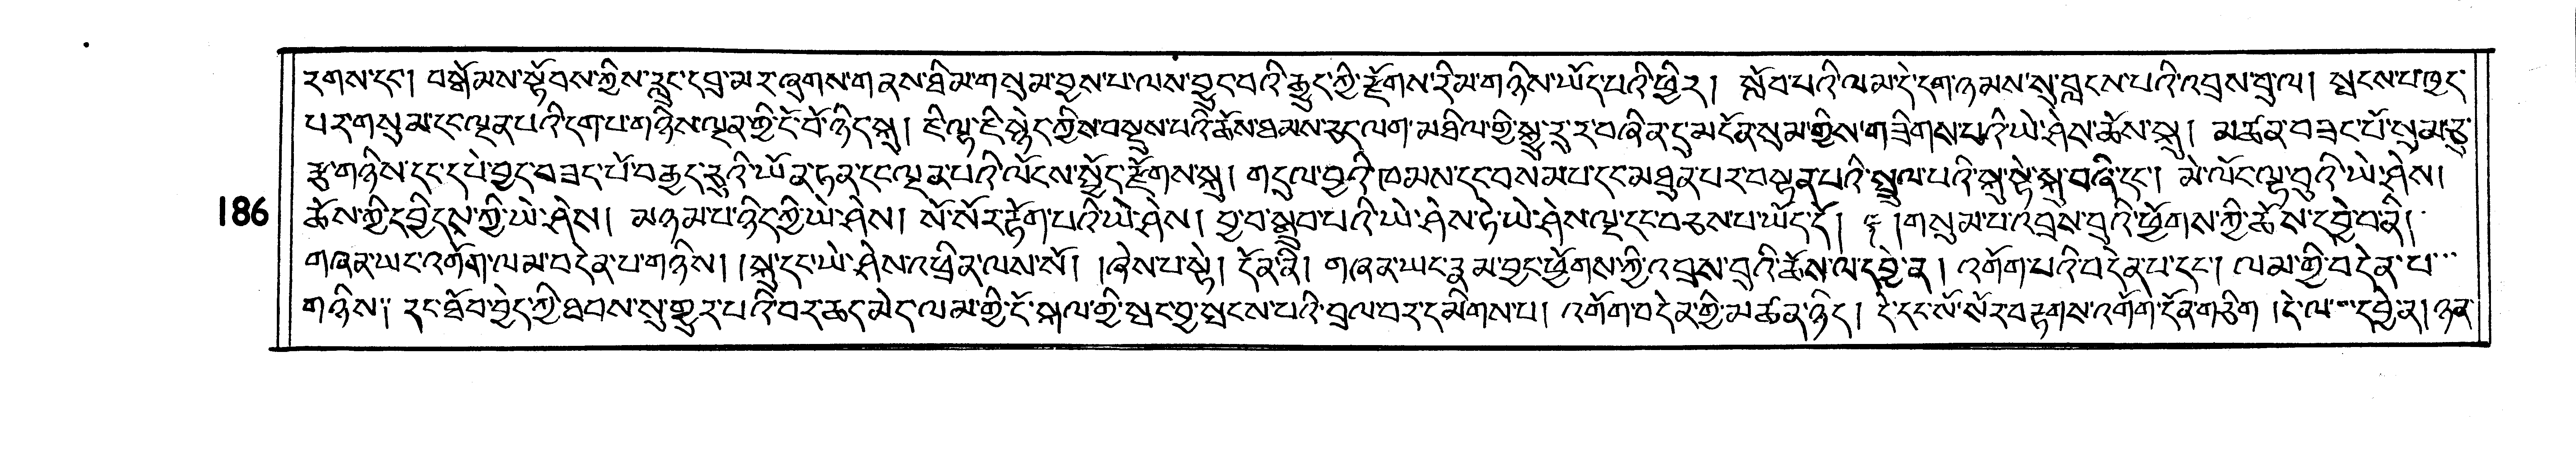རགས་དང་། བསྒོམས་སྟོབས་ཀྱིས་རླུང་དབུ་མར་ཞུགས་གནས་ཐིམ་གསུམ་བྱས་པ་ལས་བྱུང་བའི་རྒྱུད་ཀྱི་རྫོགས་རིམ་གཉིས་ཡོད་པའི་ཕྱིར། སློབ་པའི་ལམ་དེ་དག་ཉམས་སུ་བླངས་པའི་འབྲས་བུ་ལ། སྤངས་པ་ཁྱད་
པར་གསུམ་དང་ལྡན་པའི་དག་པ་གཉིས་ལྡན་གྱི་ངོ་བོ་ཉིད་སྐུ། ཇི་ལྟ་ཇི་སྙེད་ཀྱིས་བསྡུས་པའི་ཆོས་ཐམས་ཅད་ལག་མཐིལ་གྱི་སྐྱུ་རུ་ར་བཞིན་དུ་མངོན་སུམ་གྱིས་གཟིགས་པའི་ཡེ་ཤེས་ཆོས་སྐུ། མཚན་བཟང་པོ་སུམ་ཅུ་
རྩ་གཉིས་དང་དཔེ་བྱད་བཟང་པོ་བརྒྱད་ཅུའི་ཡོན་ཏན་དང་ལྡན་པའི་ལོངས་སྤྱོད་རྫོགས་སྐུ། གདུལ་བྱའི་ཁམས་དང་བསམ་པ་དང་མཐུན་པར་བསྟན་པའི་སྤྲུལ་པའི་སྐུ་སྟེ་སྐུ་བཞི་དང་། མེ་ལོང་ལྟ་བུའི་ཡེ་ཤེས།
ཆོས་ཀྱི་དབྱིངས་ཀྱི་ཡེ་ཤེས། མཉམ་པ་ཉིད་ཀྱི་ཡེ་ཤེས། སོ་སོར་རྟོག་པའི་ཡེ་ཤེས། བྱ་བ་སྒྲུབ་པའི་ཡེ་ཤེས་ཏེ་ཡེ་ཤེས་ལྔ་དང་བཅས་པ་ཡོད་དོ། ༈ །གསུམ་པ་འབྲས་བུའི་ཕྱོགས་ཀྱི་ཆོས་དབྱེ་བ་ནི།
གཞན་ཡང་འགོག་ལམ་བདེན་པ་གཉིས། །སྐུ་དང་ཡེ་ཤེས་འཕྲིན་ལས་སོ། །ཞེས་པ་སྟེ། དོན་ནི། གཞན་ཡང་རྣམ་བྱང་ཕྱོགས་ཀྱི་འབྲས་བུའི་ཆོས་ལ་དབྱེ་ན། འགོག་པའི་བདེན་པ་དང་། ལམ་གྱི་བདེན་པ་
གཉིས༑ རང་ཐོབ་བྱེད་ཀྱི་ཐབས་སུ་གྱུར་པའི་བར་ཆད་མེད་ལམ་གྱི་ངོ་སྐལ་གྱི་སྤང་བྱ་སྤངས་པའི་བྲལ་བར་དམིགས་པ། འགོག་བདེན་གྱི་མཚན་ཉིད། དེ་དང་སོ་སོར་བརྟགས་འགོག་དོན་གཅིག །དེ་ལ་དབྱེ་ན། ཉན་